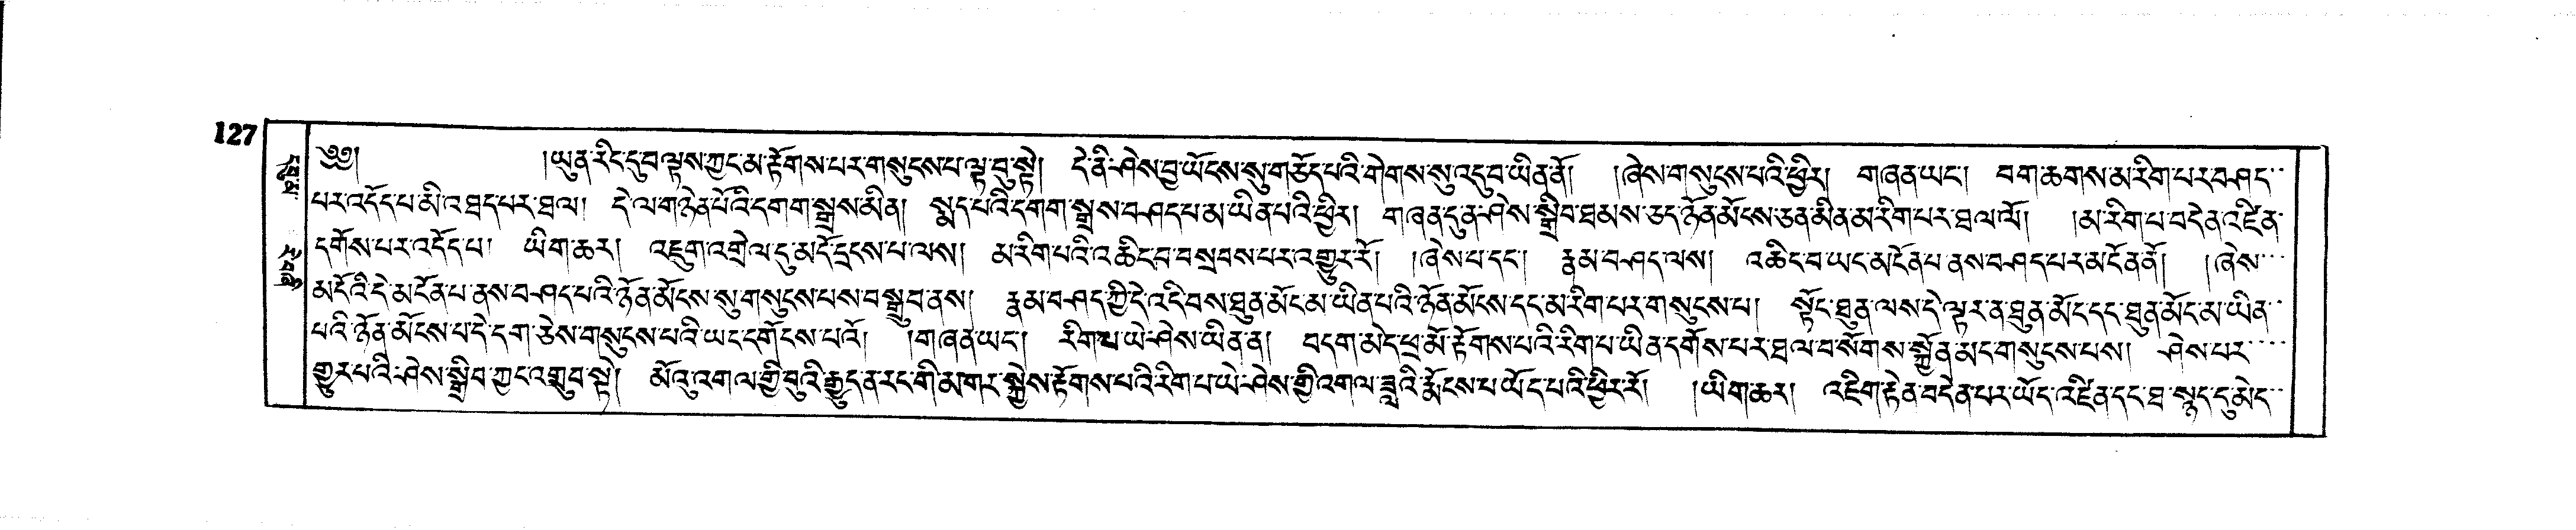༄༅། །ཡུན་རིང་དུ་བལྟས་ཀྱང་མ་རྟོགས་པར་གསུངས་པ་ལྟ་བུ་སྟེ། དེ་ནི་ཤེས་བྱ་ཡོངས་སུ་གཅོད་པའི་གེགས་སུ་འདུ་བ་ཡིན་ནོ། །ཞེས་གསུངས་པའི་ཕྱིར། གཞན་ཡང་། བག་ཆགས་མ་རིག་པར་བཤད་
པར་འདོད་པ་མི་འཐད་པར་ཐལ། དེ་ལ་གཉེན་པོའི་དགག་སྒྲས་མིན། སྨད་པའི་དགག་སྒྲས་བཤད་པ་མ་ཡིན་པའི་ཕྱིར། གཞན་དུ་ན་ཤེས་སྒྲིབ་ཐམས་ཅད་ཉོན་མོངས་ཅན་མི་མ་རིག་པར་ཐལ་ལོ། །མ་རིག་པ་བདེན་འཛིན་
དགོས་པར་འདོད་པ། ཡིག་ཆར། འཇུག་འགྲེལ་དུ་མདོ་དྲངས་པ་ལས། མ་རིག་པའི་འཆིང་བ་བསྲབས་པར་འགྱུར་རོ། །ཞེས་པ་དང་། རྣམ་བཤད་ལས། འཆིང་བ་ཡང་མངོན་པ་ནས་བཤད་པར་མངོན་ནོ། །ཞེས་
མདོའི་དེ་མངོན་པ་ནས་བཤད་པའི་ཉོན་མོངས་སུ་གསུངས་པས་བསྒྲུབ་ནས། རྣམ་བཤད་ཀྱི་དེ་འདི་བས་ཐུན་མོང་མ་ཡིན་པའི་ཉོན་མོངས་དང་མ་རིག་པར་གསུངས་པ། སྟོང་ཐུན་ལས་དེ་ལྟར་ན་ཐུན་མོང་དང་ཐུན་མོང་མ་ཡིན་
པའི་ཉོན་མོངས་པ་དེ་དག་ཅེས་གསུངས་པའི་ཡང་དགོངས་པའོ། །གཞན་ཡང་། རིག་པ་ཡེ་ཤེས་ཡིན་ན། བདག་མེད་ཕྲ་མོ་རྟོགས་པའི་རིག་པ་ཡིན་དགོས་པར་ཐལ་བ་སོགས་སྐྱོན་མང་གསུངས་པས། ཤེས་པར་
གྱུར་པའི་ཤེས་སྒྲིབ་ཀྱང་འགྲུབ་སྟེ། མོའུ་འགལ་གྱི་བུའི་རྒྱུད་ན་རང་གི་མ་གར་སྐྱེས་རྟོགས་པའི་རིག་པ་ཡེ་ཤེས་གྱི་འགལ་ཟླའི་རྨོངས་པ་ཡོད་པའི་ཕྱིར་རོ། །ཡིག་ཆར། འཇིག་རྟེན་བདེན་པར་ཡོད་འཛིན་དང་ཐ་སྙད་དུ་མེད་